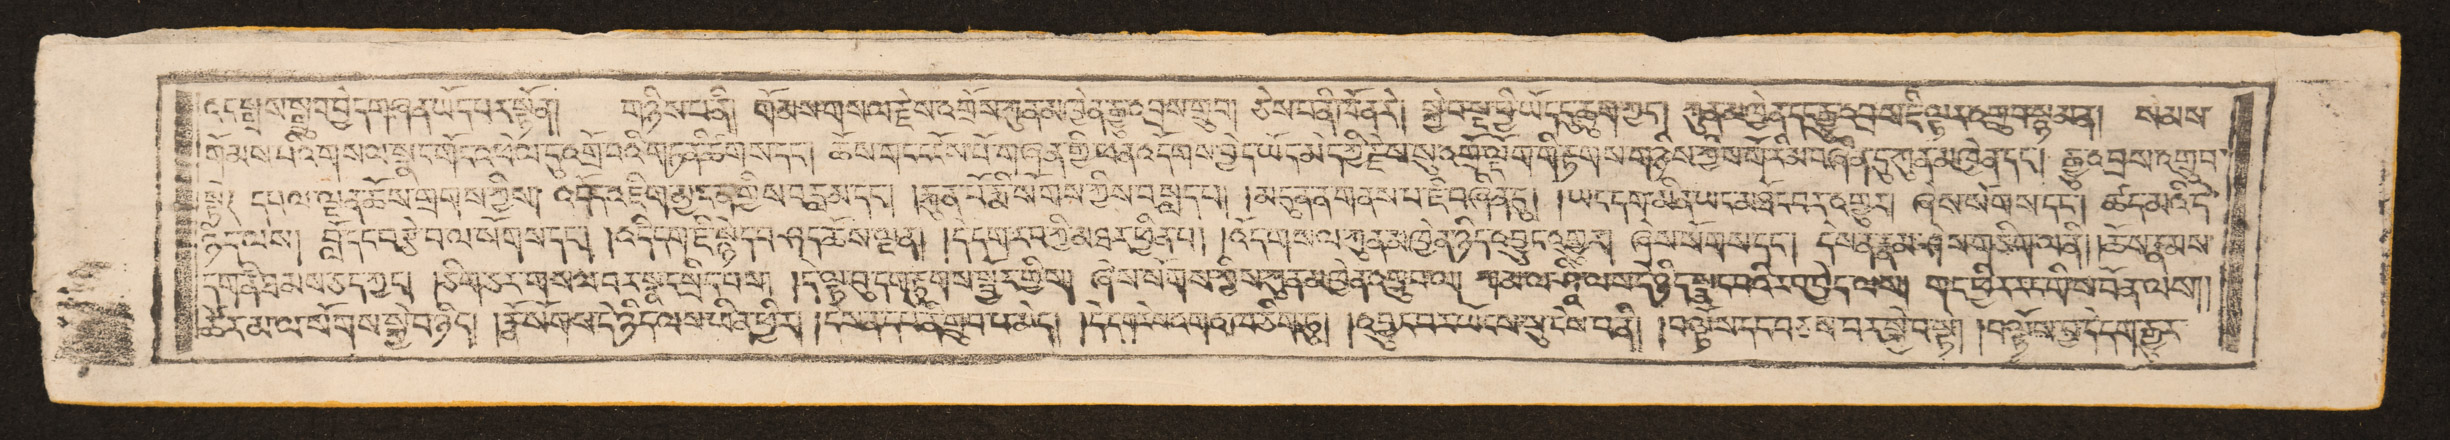འང་སྒྲས་སྒྲུབ་བྱེད་གཞན་ཡོད་པར་སྟོན། གཉིས་པ་ནི། གོམས་གསལ་རྗེས་འགྲོས་ཀུན་མཁྱེན་རྒྱུ་འབྲས་གྲུབ། ཅེས་པ་ནི་ཁོ་ན་རེ། སྐྱེ་བ་སྔ་ཕྱི་ཡོད་དུ་ཆུག་ཀྱང་། ཀུན་མཁྱེན་དང་རྒྱུ་འབྲས་ཇི་ལྟར་འགྲུབ་སྙམ་ན། སེམས་
གོམས་པའི་གསལ་སྣང་གོང་འཕེལ་དུ་འགྲོ་བའི་གཏན་ཚིགས་དང་། ཆོས་གང་དངོས་པོ་གཞན་གྱི་ཕན་འདོགས་བྱེད་ཡོད་མེད་ཀྱི་རྗེས་སུ་འགྲོ་ལྡོག་གི་རྟགས་གཉིས་ཀྱིས་གོ་རིམ་བཞིན་དུ་ཀུན་མཁྱེན་དང་། རྒྱུ་འབྲས་འགྲུབ་
སྟེ༑ དཔལ་ལྡན་ཆོས་གྲགས་ཀྱིས། འདོད་འཇིག་མྱ་ངན་གྱིས་བརླམ་དང་། །རྐུན་པོ་རྨི་སོགས་ཀྱིས་བསླད་པ། །མདུན་ན་གནས་པ་ཇི་བཞིན་དུ། །ཡང་དག་མིན་ཡང་མཐོང་བར་འགྱུར། ཞེས་སོགས་དང་། ཚད་མའི་དེ་
ཉིད་ལས། བློ་དང་བརྩེ་བ་ལ་སོགས་དང་། །འདི་དག་ཇི་སྙེད་བཤད་ཆོས་ལྡན། །དེ་དག་རབ་ཀྱི་མཐར་ཕྱིན་པ། །འོད་གསལ་ཀུན་མཁྱེན་ཉིད་འབྱུང་འགྱུར། ཞེས་སོགས་དང་། དེས་ན་རྣམ་ཤེས་གཅིག་ལ་ནི། །ཆོས་རྣམས་
དག་ནི་ཐམས་ཅད་ཀྱང་། །ཅིག་ཅར་གསལ་བར་སྣང་སྲིང་པས། །དེ་ལྟ་བུ་དག་རྟགས་སྦྱོར་གྱིས། ཞེས་སོགས་ཀྱིས་ཀུན་མཁྱེན་འགྲུབ་ལ། ཀམ་ལ་ཤཱི་ལས་དེ་ཉིད་སྣང་བའི་རབ་བྱེད་ལས། གང་ཕྱིར་རང་གི་ས་བོན་ལས།།
ཚེར་མ་ལ་སོགས་སྐྱེ་བ་ཉིད། །རྣོ་སོགས་དེ་ཉིད་ལས་ཡིན་ཕྱིར། །དེས་ན་དཔེ་ནི་གྲུབ་པ་མེད། །དེ་དག་རེས་འགའ་ཁ་ཅིག་ཏུ། །འབྱུང་བར་ཡོངས་སུ་ངེས་པ་ནི། །བལྟོས་དང་བཅས་པར་སྐྱེ་བ་སྟེ། །བལྟོས་བྱ་དེ་དག་རྒྱུར་